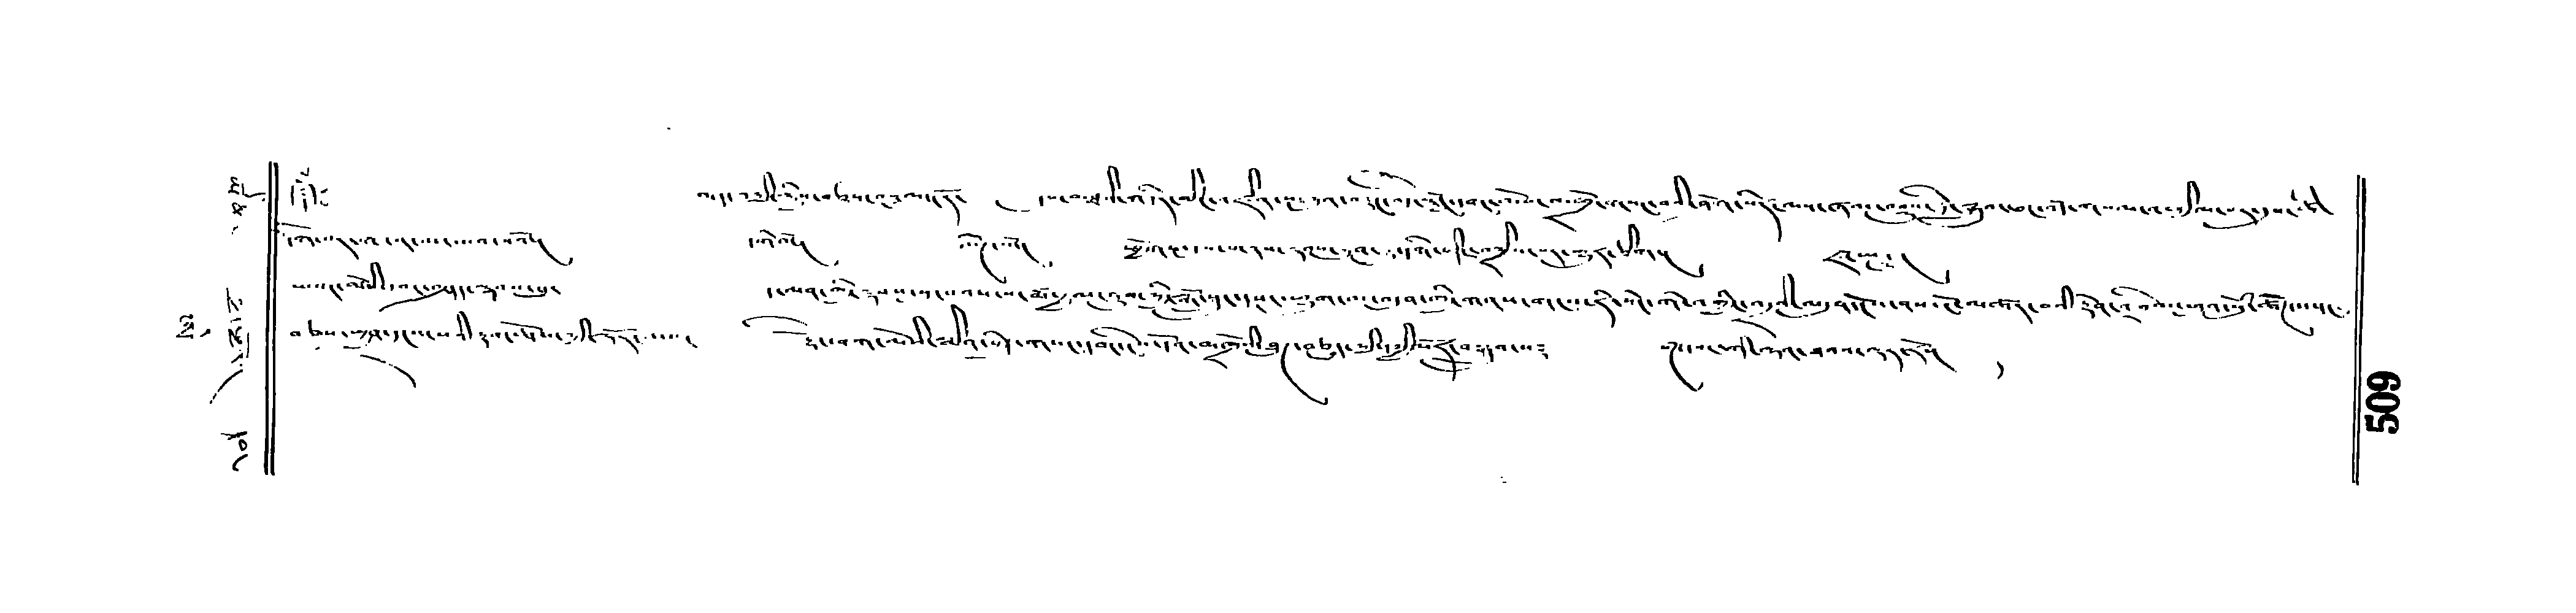མདངས་ཀྱིས་སྐྱེས་བཅས་བསྐུལ་ངོར། དུས་མཐའི་གཏེར་མིང་འཛིན་པ་ཀུན་བཟང་བདེ་སྐྱོང་དབང་མོས་མཁའ་འགྲོ་གསང་བའི་ཤོག་སེར་ལས་ཞལ་བཤུས་ཏེ་སྒྲུབ་ཁང་འོད་གསལ་འཁྱིལ་བར་དུས་ཚེས་
དགེ་བར་གཏན་ལ་ཕབ་པའོ།། དགེའོ།། ལེགས་སོ། ཕྱོགས་དུས་གནས་སྐབས་ཀུན་ཏུ་དགེ་ཞིང་བཀྲ་ཤིས་པར་གྱུར་ཅིག། ཛ་ཡནྟུ།། 
ཕག་མོའི་དབང་བཤད་སྐབས་སུ། ད་ལན་གྱི་སྐབས་སུ་བབས་པ་རྨ་རྒྱལ་ནུབ་ཀྱི་སྒོ་སྲུང་དབང་ཕྱུག་མ་བདུན་གྱི་གནས་གངས་རི་སེང་གེ་འགྱིང་འདྲའི་མདུན་ངོས་ནས་ངོ་མཚར་བའི་རྟེན་འབྲེལ་ཕུན་སུམ་ཚོགས་པ་དང་
བཅས་སྤྱན་དྲངས་པའི་ཟབ་ཆོས་ཀྱི་སྐོར་ལས། རྡོ་རྗེ་ཕག་མོའི་སྨིན་བྱེད་གསང་དབང་ངེས་དོན་མཁའ་འགྲོའི་ཐུགས་བཅུད་ཀྱི་དཀྱིལ་འཁོར་བསྒྲུབ་པ༴ སོགས་དབང་གི་ལྷན་ཐབས་ལྟར་རོ།།